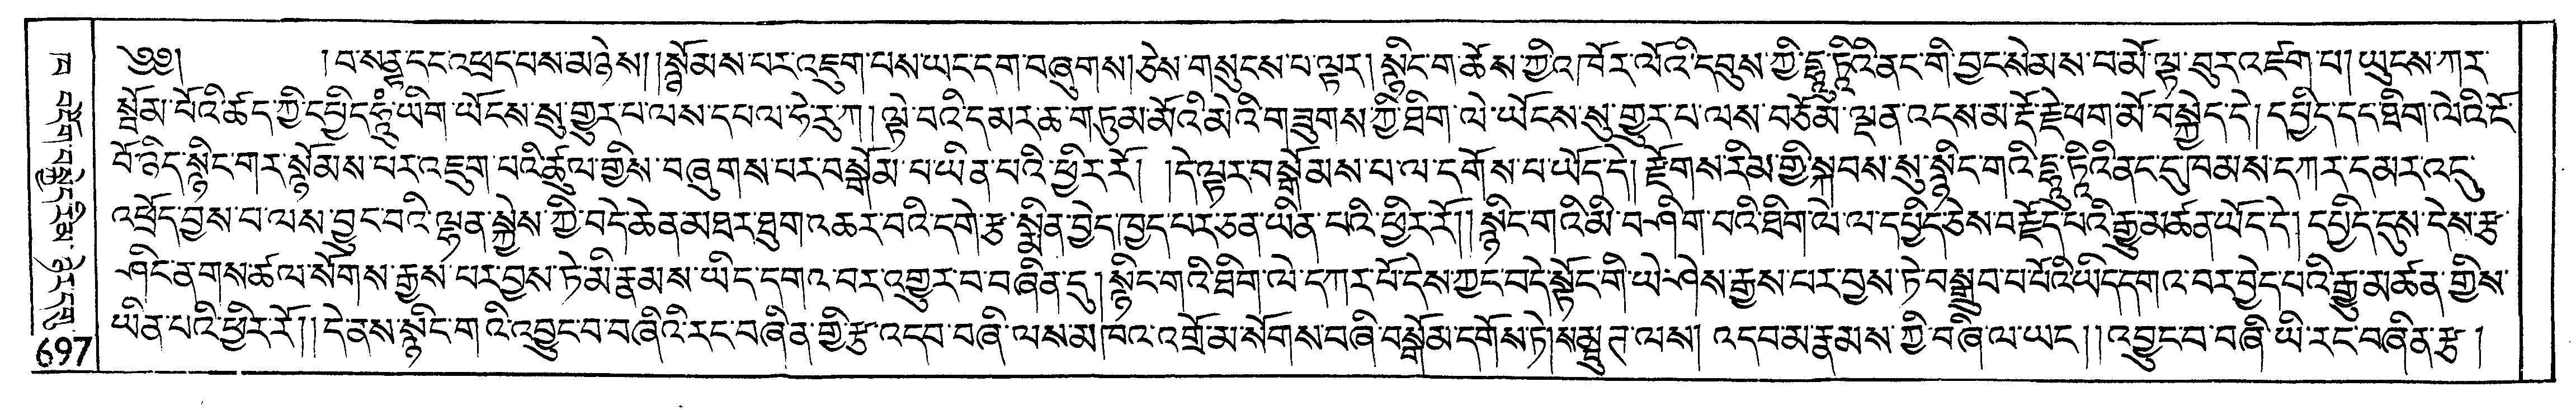༄༅། །བ་སནྟ་དང་འཕྲད་པས་མཉེས། །སྙོམས་པར་འཇུག་པས་ཡང་དག་བཞུགས། ཅེས་གསུངས་པ་ལྟར། སྙིང་ག་ཆོས་ཀྱི་འཁོར་ལོའི་དབུས་ཀྱི་དྷཱུ་ཏཱིའི་ནང་གི་བྱང་སེམས་པ་མོ་ལྟ་བུར་འཛག་པ། ཡུངས་ཀར་
སྦོམ་པོའི་ཚད་ཀྱི་དཔྱིད་ཧཱུཾ་ཡིག་ཡོངས་སུ་གྱུར་པ་ལས་དཔལ་ཧེ་རུ་ཀ། ལྟེ་བའི་དམར་ཆ་གཏུམ་མོའི་མེའི་གཟུགས་ཀྱི་ཐིག་ལེ་ཡོངས་སུ་གྱུར་པ་ལས་བཅོམ་ལྡན་འདས་མ་རྡོ་རྗེ་ཕག་མོ་བསྐྱེད་དེ། དཔྱིད་དང་ཐིག་ལེའི་ངོ་
བོ་ཉིད་སྙིང་གར་སྙོམས་པར་འཇུག་པའི་ཚུལ་གྱིས་བཞུགས་པར་བསྒོམ་པ་ཡིན་པའི་ཕྱིར་རོ། །དེ་ལྟར་བསྒོམས་པ་ལ་དགོས་པ་ཡོད་དེ། རྫོགས་རིམ་གྱི་སྐབས་སུ་སྙིང་གའི་དྷཱུ་ཏཱིའི་ནང་དུ་ཁམས་དཀར་དམར་འདུ་
འཕྲོད་བྱས་པ་ལས་བྱུང་བའི་ལྷན་སྐྱེས་ཀྱི་བདེ་ཆེན་མཐར་ཐུག་འཆར་བའི་དགེ་རྩ་སྨིན་བྱེད་ཁྱད་པར་ཅན་ཡིན་པའི་ཕྱིར་རོ། །སྙིང་གའི་མི་བཤིག་པའི་ཐིག་ལེ་ལ་དཔྱིད་ཅེས་བརྗོད་པའི་རྒྱུ་མཚན་ཡོད་དེ། དཔྱིད་དུས་དེས་རྩ་
ཤིང་ནགས་ཚལ་སོགས་རྒྱས་པར་བྱས་ཏེ་མི་རྣམས་ཡིད་དགའ་བར་འགྱུར་བ་བཞིན་དུ། སྙིང་གའི་ཐིག་ལེ་དཀར་པོ་དེས་ཀྱང་བདེ་སྟོང་གི་ཡེ་ཤེས་རྒྱས་པར་བྱས་ཏེ་བསྒྲུབ་པ་པོའི་ཡིད་དགའ་བར་བྱེད་པའི་རྒྱུ་མཚན་གྱིས་
ཡིན་པའི་ཕྱིར་རོ། །དེ་ནས་སྙིང་གའི་འབྱུང་བ་བཞིའི་རང་བཞིན་གྱི་རྩ་འདབ་བཞི་ལས་མཁའ་འགྲོ་མ་སོགས་བཞི་བསྒོམ་དགོས་ཏེ། སམྦུཊ་ལས། འདབ་མ་རྣམས་ཀྱི་བཞི་ལ་ཡང་། །འབྱུང་བ་བཞི་ཡི་རང་བཞིན་རྩ།